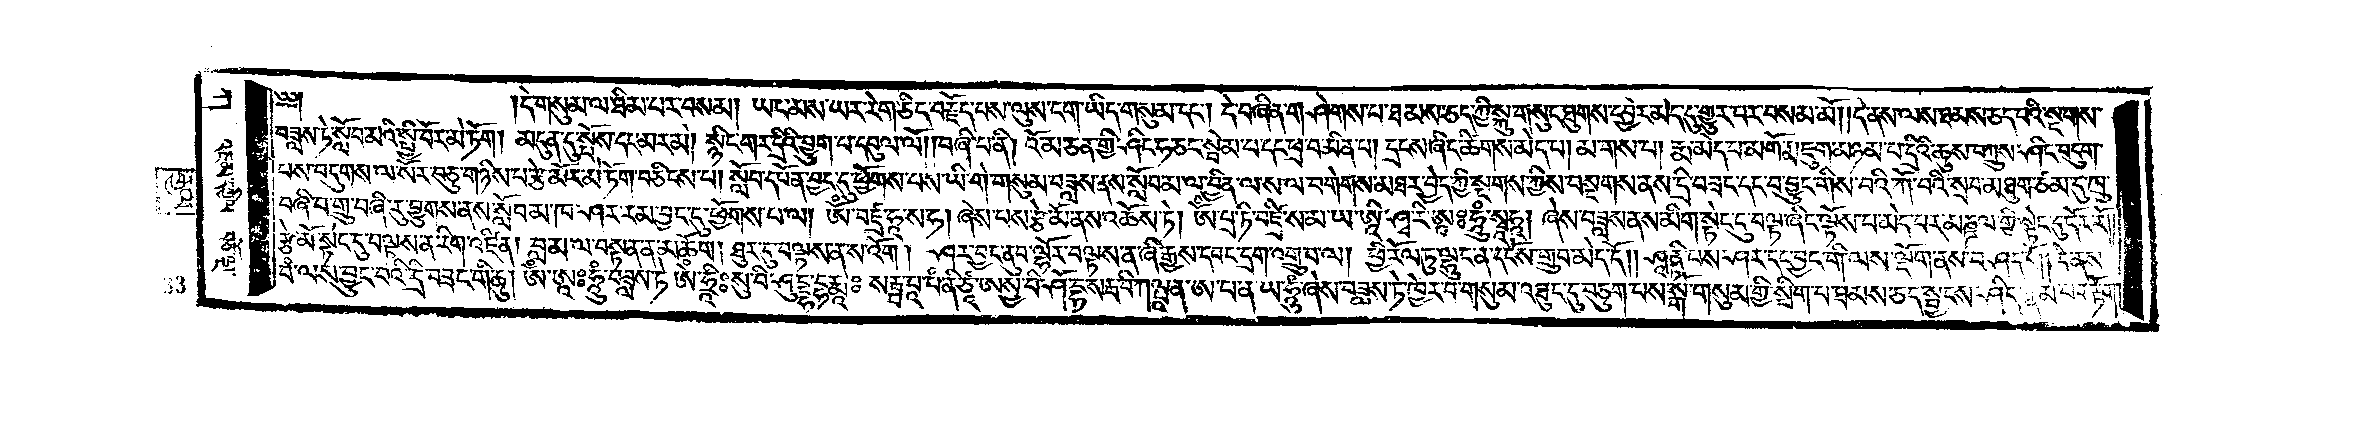༄༅། །དེ་གསུམ་ལ་ཐིམ་པར་བསམ། ཡང་མས་ཡར་རེག་ཅིང་བརྗོད་པས་ལུས་ངག་ཡིད་གསུམ་དང་། དེ་བཞིན་གཤེགས་པ་ཐམས་ཅད་ཀྱི་སྐུ་གསུང་ཐུགས་དབྱེར་མེད་དུ་གྱུར་པར་བསམ་མོ། །དེ་ནས་ལས་ཐམས་ཅད་པའི་སྔགས་
བཟླས་ཏེ་སློབ་མའི་སྤྱི་བོར་མེ་ཏོག །མདུན་དུ་སྤོས་དང་མར་མེ། སྙིང་གར་དྲིའི་བྱུག་པ་དབུལ་ལོ། །བཞི་པ་ནི། འོ་མ་ཅན་གྱི་ཤིང་ཧ་ཅང་སྦེམ་པ་དང་ཕྲ་བ་མིན་པ། དྲངས་ཞིང་ཚིགས་མེད་པ། མ་གས་པ། རྨ་མེད་པ་མགོ་མཇུག་མཉམ་པ་དྲིའི་ཆུས་བཀྲུས་ཤིང་བདུག་
པས་བདུགས་ལ་སོར་བཅུ་གཉིས་པ་རྩེ་མོར་མེ་ཏོག་བཅིངས་པ། སློབ་དཔོན་བྱང་དུ་ཕྱོགས་པས་ཡི་གེ་གསུམ་བཟླས་ནས་སློབ་མ་ལ་བྱིན་ལས་ལ་བགེགས་མཐར་བྱེད་ཀྱི་སྔགས་ཀྱིས་བསྔགས་ནས་དྲི་བཟང་དང་བ་བྱུང་གིས་བའི་ཀོ་བའི་སྲབ་མཐུག་ཙམ་དུ་ཁྲུ་
བཞི་པ་གྲུ་བཞི་རུ་བྱུགས་ནས་སློབ་མ་ཁ་ཤར་རམ་བྱང་དུ་ཕྱོགས་པ་ལ། ཨོཾ་བྫྲ་ཧཱ་ས་ཧ། ཞེས་པས་རྩེ་མོ་ནས་འཆོས་ཏེ། ཨོཾ་པྲ་ཏི་བྫྲི་ས་མ་ཡ་ཨཱི་ཤྭ་རི་ཨཱཿ ཧཱུཾ་སྭཱ་ཧཱ། ཞེས་བཟླས་ནས་མིག་སྟེང་དུ་བལྟ་ཞིང་ལྟོས་པ་མེད་པར་མཎཌལ་གྱི་སྟེང་དུ་དོར་རོ། །
རྩེ་མོ་སྟེང་དུ་བལྟས་ན་རིག་འཛིན། བླ་མ་ལ་བསྟན་ན་མཆོག །ཐུར་དུ་བལྟས་ན་ས་འོག །ཤར་བྱང་ནུབ་ལྷོར་བལྟས་ན་ཞི་རྒྱས་དབང་དྲག་འགྲུབ་ལ། ཕྱི་རོལ་ཏུ་ལྷུང་ན་དངོས་གྲུབ་མེད་དོ། །ཤཱནཏི་པས་ཤར་དང་བྱང་གི་ལས་ལྡོག་ནས་བཤད་དོ། །དེ་ནས་
བཾ་ལས་བྱུང་བའི་དྲི་བཟང་གི་ཆུ། ཨོཾ་ཨཱཿ ཧཱུཾ་བཟླས་ཏེ་ཨོཾ་ཧྲཱིཿ སུ་བི་ཤུདདྷ་དྷརྨཱཿ སརབྦ་པཱ་པཾ་ནི་ཙཱ་ཨསྱ་བི་ཤོ་དྷ་སརབ་བི་ཀལཔཱན་ཨ་པ་ན་ཡ་ཧཱུཾ་ཞེས་བཟླས་ཏེ་ཁྱེར་བ་གསུམ་འཐུང་དུ་བཅུག་པས་སྒོ་གསུམ་གྱི་སྦིག་པ་ཐམས་ཅད་སྦྱངས་ཤིང་རྣམ་པར་རྟོག་